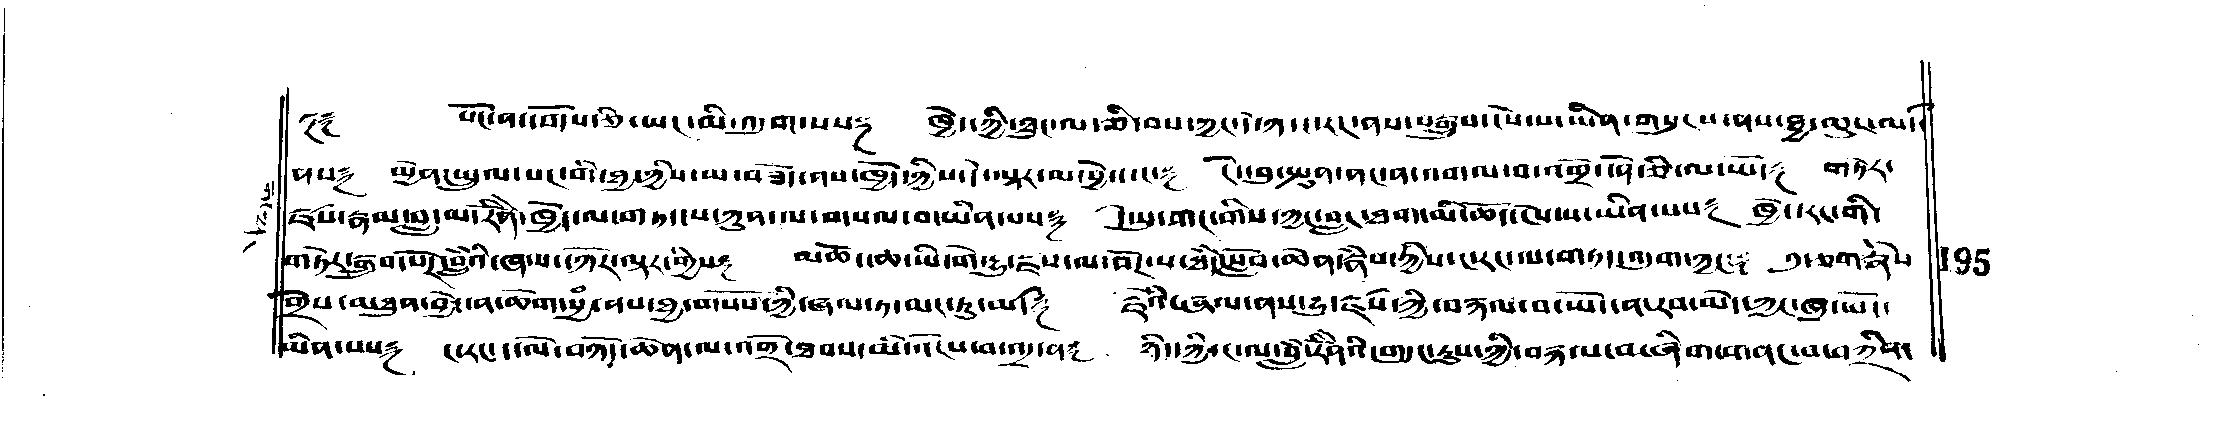སོང་ན་དགོས་ཅི་ཡང་མི་འདུག་པས། ཁྱེད་ཀྱི་ཐུགས་ལ་ཅི་བས་ཀྱང་དེ་ཀ་ང་རང་ནས་བསྒྲུབ་ངེས་པ་ཡིན་གསུངས་ནས་ཐུགས་ཆུང་མཛད་
ནས། མཁྱེན་སྤྲུལ་སང་གི་ཐུགས་ཀྱིས་མ་བཟོད་ནས་ཁྱེད་ཀྱིས་དེ་ལྟར་མ་བྱེད་དང་། ངེད་བུ་སྤུན་ནང་ན་འགལ་བ་འགྲོ་དོན་ཅི་ལ་ཡོད། གཏེར་
རྫས་རྣམས་བླ་མ་རིན་པོ་ཆེ་ཁྱོད་ལ་གཏད་པ་ཀུན་ལ་གསལ་བ་ཡིན་པས། དེ་སུ་གང་གིས་ཀྱང་བླང་ཐག་མི་ཆོད་ངེས་པ་ཡིན་པས། ཁྱོད་རང་གི་
གཏེར་སྒྲུབ་སོགས་བླ་མའི་ཞལ་དཀོར་ལྟར་གྱིས། མཆོད་ཆ་ཡི་གེ་རྒྱུ་རྫས་ལ་སོགས་པ་ཐམས་ཅད་སློབ་ཆེན་རྣམས་ཀྱིས་ང་རང་ལ་གཏད་འདུག་ཀྱང་། འུ་ཅག་རྣམས་
གྲོས་མཐུན་བྱེད་ན་ཆོག་གསུང་ནས་ཐུགས་གསོས་ཀྱི་ཞལ་ཏ་མང་དུ་མཛད། རྗེའི་ཞལ་ནས་རྒྱུ་རྫས་ཀྱི་སྐལ་བ་ཡོད་ན་རབ་མེད་ཀྱང་ཞུ་ཕོད་
མིན་པས། ང་རང་ད་ལོ་བཀོད་ཆེན་ལ་འགྲོ་ཐབས་མི་འོངས་བ་འདྲ་ན། ཉིད་ཀྱི་ང་ལ་བླ་མ་རིན་པོ་ཆེའི་གདུང་རུས་ཀྱི་སྐལ་བ་ཞིག་གནང་བ་བཀའ་དྲིན་